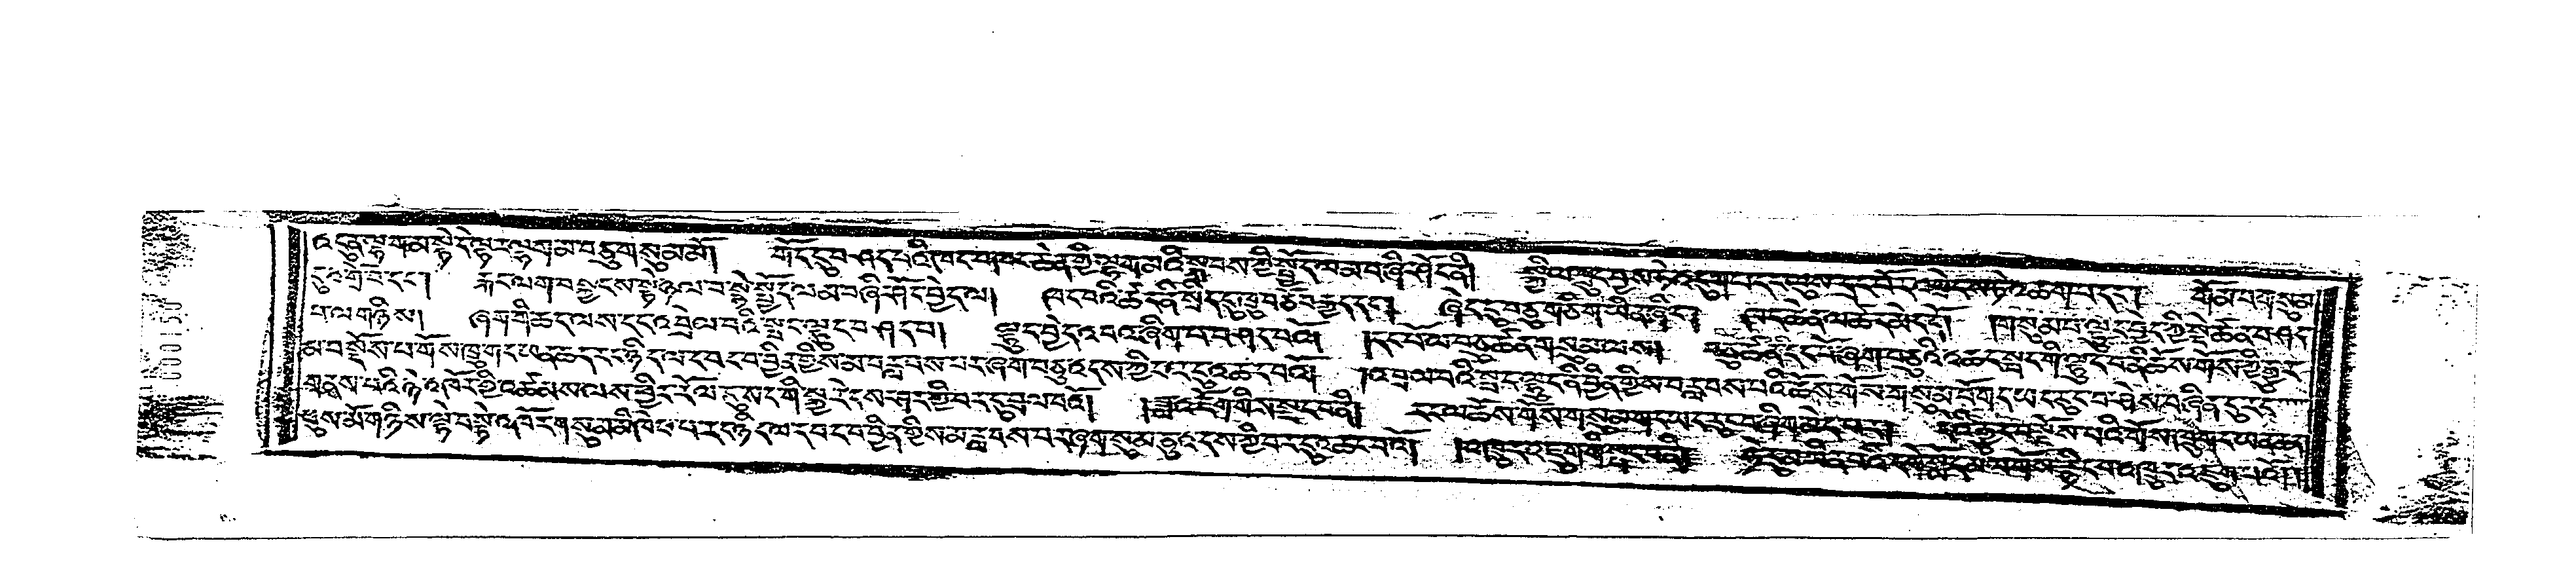འདུན་ལྷག་མ་སྟེ་དེ་ལྟར་ལྷག་མ་བཅུ་གསུམ་མོ། གོང་དུ་བཤད་པའི་ཁང་པ་ཁང་ཆེན་གྱི་ལྷག་མའི་སྐབས་ཀྱི་སྤྱོད་ལམ་བཞི་ཤོང་ནི། སྐྱིལ་ཀྲུང་བྱས་ཏེ་འདུག་པ་དང་ལུས་དྲང་པོར་འགྲེངས་ཏེ་འཆག་པ་དང་། གོམ་པ་གསུམ་
དུ་འགྲོ་བ་དང་། རྐང་ལག་བསྐྱངས་ཏེ་ཉལ་བ་སྟེ་སྤྱོད་ལམ་བཞི་ཤོང་བྱེད་ལ། ཁང་པའི་ཚད་ནི་སྲིད་དུ་ཁྲུ་བཅོ་བརྒྱད་དང་། ཞེང་དུ་བཅུ་གཅིག་ཡིན་ཞིང་། ཁང་ཆེན་ལ་ཚད་མེད་དོ། །གསུམ་པ་ལྟུང་བྱེད་ཀྱི་སྡེ་ཚན་བཤད་
པ་ལ་གཉིས། ཞག་གི་ཆད་ལས་དང་འབྲེལ་བའི་སྤང་ལྟུང་བཤད་པ། ལྟུང་བྱེད་འབའ་ཞིག་པ་བཤད་པའོ། །དང་པོ་ལ་བཅུ་ཚན་གསུམ་ལས། བཅུ་ཚན་དང་པོ་ཞག་བཅུའི་འཆང་སྤང་གི་ལྟུང་བ་ནི་ཆོས་གོས་ཀྱི་རྒྱུར་
མ་བསྡོས་པ་གོས་ཁྲུ་གང་ཡན་ཆད་རང་ཉིད་ལ་དབང་བ་བྱིན་གྱིས་མ་བརླབས་པར་ཞག་བཅུ་འདས་ཀྱི་བར་དུ་འཆར་བའོ། །འབྲལ་བའི་སྤང་ལྟུང་ནི་བྱིན་གྱིས་བརླབས་པའི་ཆོས་གོས་གསུམ་པོ་གང་ཡང་རུང་བ་ཤེས་བཞིན་དུ་རང་
གནས་པའི་ཉེ་འཁོར་གྱི་འཚམས་ལས་ཕྱིར་རོལ་དུ་སང་གི་སྐྱ་རེངས་ཤར་གྱི་བར་དུ་བྲལ་བའོ། །ཟླ་འཇོག་གིས་སྡང་བ་ནི། རང་ལ་ཆོས་གོས་གསུམ་གང་ཡང་རུང་བ་ཞིག་མེད་པར། དེའི་རྒྱུར་བསྔོས་པའི་གོས་ཁྲུ་གང་ཡན་ཆད་
པུས་མོ་གཉིས་ལྟེ་བ་སྟེ་འཁོར་གསུམ་མི་ཁེང་པ་རང་ཉིད་ལ་དབང་བ་བྱིན་གྱིས་མ་རླབས་པར་ཞག་སུམ་ཅུ་འདས་ཀྱི་བར་དུ་འཆང་བའོ། །འཁྲུར་འཇུག་གི་སྤང་བ་ནི། ཉེ་རུ་མ་ཡིན་པའི་དགེ་སློང་མ་ལ་གོས་རྙིང་པ་འཁྲུར་འཇུག་པའོ།།